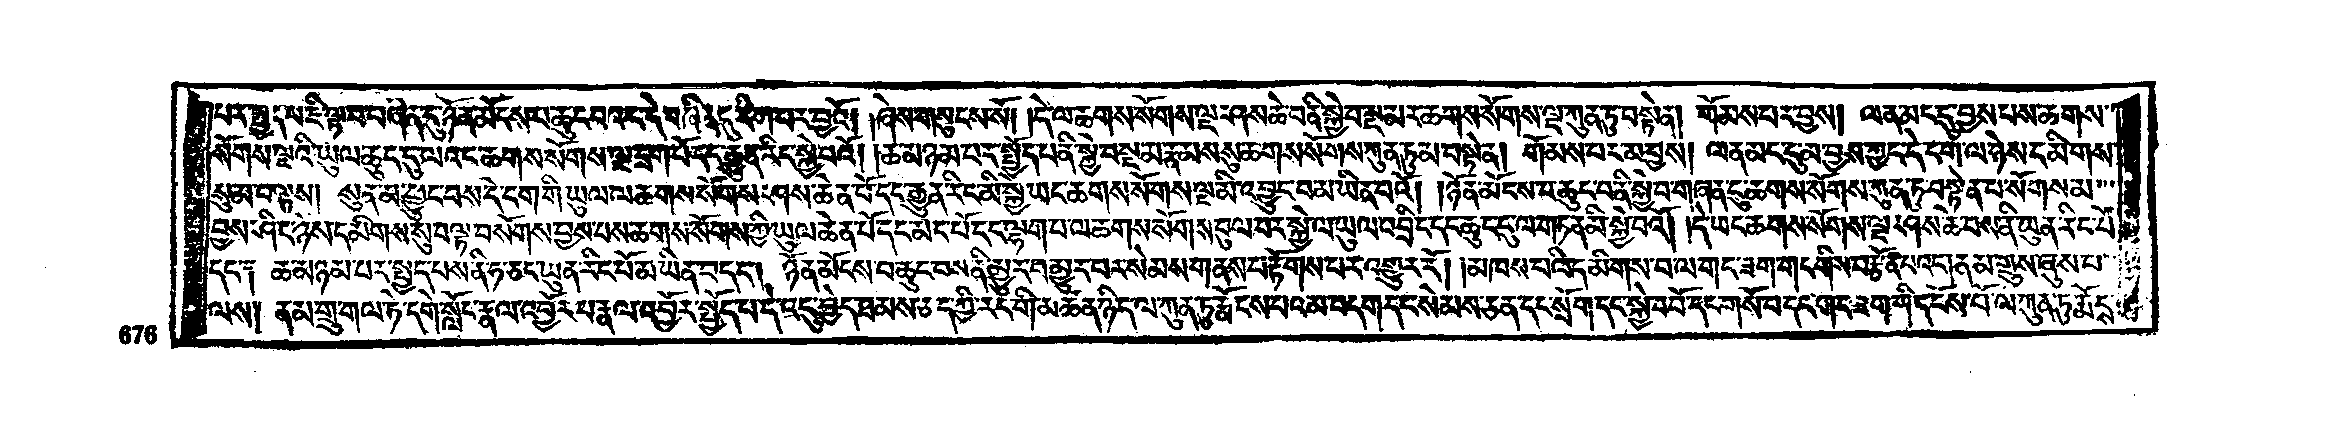པར་སྤྱད་པ་ཇི་ལྟ་བ་བཞིན་དུ་ཉོན་མོངས་པ་ཆུང་བའང་དེ་བཞིན་དུ་རིག་པར་བྱའོ། །ཞེས་གསུངས་སོ། །དེ་ལ་ཆགས་སོགས་ལྔ་ཤས་ཆེ་བ་ནི་སྐྱེ་བ་སྔ་མར་ཆགས་སོགས་ལྔ་ཀུན་ཏུ་བསྟེན། གོམས་པར་བྱས། ལན་མང་དུ་བྱས་པས་ཆགས་
སོགས་ལྔའི་ཡུལ་ཆུང་ངུ་ལའང་ཆགས་སོགས་ལྔ་དྲག་པོ་དང་རྒྱུན་རིང་སྐྱེ་བའོ། །ཆ་མཉམ་པར་སྤྱོད་པ་ནི་སྐྱེ་བ་སྔ་མ་རྣམས་སུ་ཆགས་སོགས་ཀུན་ཏུ་མ་བསྟེན། གོམས་པར་མ་བྱས། ལན་མང་དུ་མ་བྱས་ཀྱང་དེ་དག་ལ་ཉེས་དམིགས་
སུ་མ་བལྟས། སུན་མ་ཕྱུང་བས་དེ་དག་གི་ཡུལ་ལ་ཆགས་སོགས་ཤས་ཆེན་པོ་དང་རྒྱུན་རིང་མི་སྐྱེ་ཡང་ཆགས་སོགས་ལྔ་མི་འབྱུང་བ་མ་ཡིན་པའོ། །ཉོན་མོངས་པ་ཆུང་བ་ནི་སྐྱེ་བ་གཞན་དུ་ཆགས་སོགས་ཀུན་ཏུ་བསྟེན་པ་སོགས་མ་
བྱས་ཤིང་ཉེས་དམིགས་སུ་བལྟ་བ་སོགས་བྱས་པས་ཆགས་སོགས་ཀྱི་ཡུལ་ཆེན་པོ་དང་མང་པོ་དང་ལྷག་པ་ལ་ཆགས་སོགས་བུལ་བར་སྐྱེ་ལ་ཡུལ་འབྲིང་དང་ཆུང་ངུ་ལ་གཏན་མི་སྐྱེ་བའོ། །དེ་ཡང་ཆགས་སོགས་ལྔ་ཤས་ཆེ་བས་ནི་ཡུན་རིང་པོ་
དང༑ ཆ་མཉམ་པར་སྤྱད་པས་ནི་ཧ་ཅང་ཡུན་རིང་པོ་མ་ཡིན་པ་དང་། ཉོན་མོངས་པ་ཆུང་བས་ནི་མྱུར་བ་མྱུར་བར་སེམས་གནས་པ་རྟོགས་པར་འགྱུར་རོ། །མཁས་པའི་དམིགས་པ་ལ་གང་ཟག་གང་གིས་བརྩོན་པའང་། ནམ་གྲུས་ཞུས་པ་
ལས༑ ནམ་གྲུ་གལ་ཏེ་དགེ་སློང་རྣལ་འབྱོར་པ་རྣལ་འབྱོར་སྤྱོད་པ་དེ་འདུ་བྱེད་ཐམས་ཅད་ཀྱི་རང་གི་མཚན་ཉིད་ལ་ཀུན་ཏུ་རྨོངས་པའམ་བདག་དང་སེམས་ཅན་དང་སྲོག་དང་སྐྱེ་བ་པོ་དང་གསོ་བ་དང་གང་ཟག་གི་དངོས་པོ་ལ་ཀུན་ཏུ་རྨོངས་